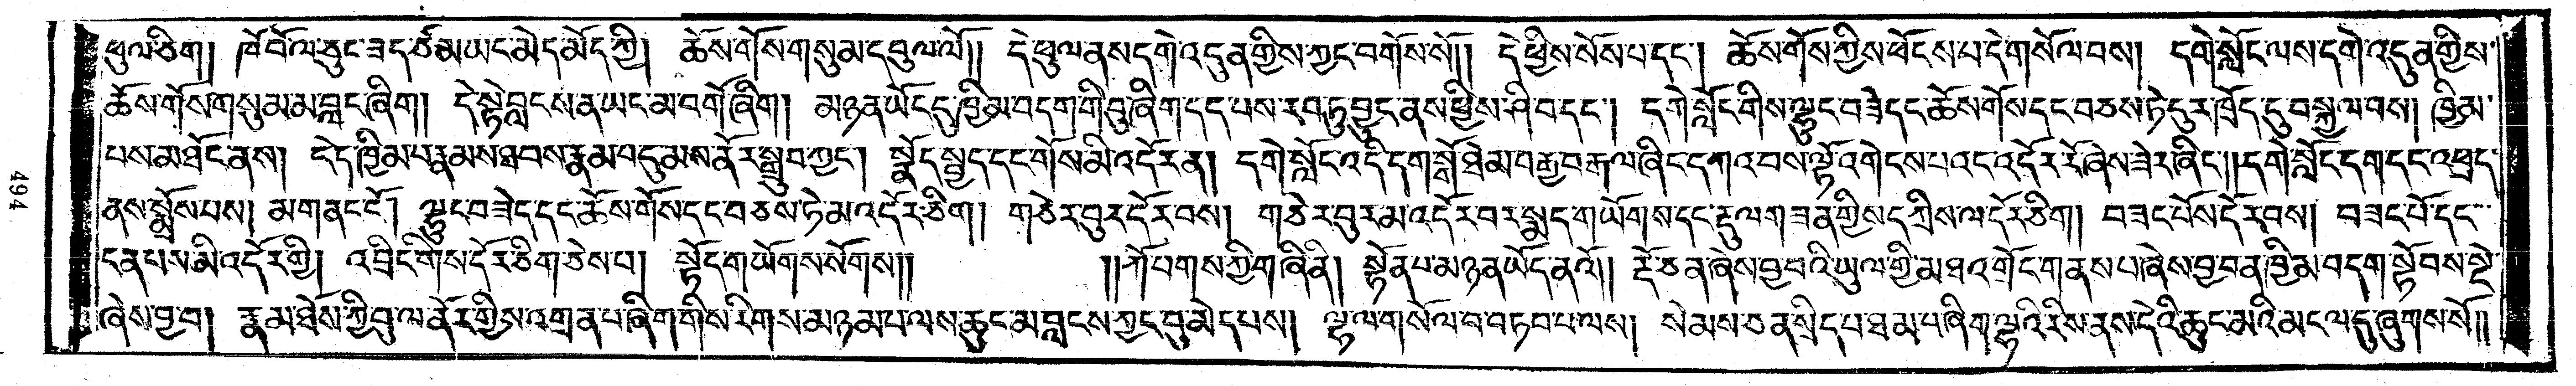ཕུལ་ཅིག། ཁོ་བོ་ལ་ཅུང་ཟད་ཙམ་ཡང་མེད་མོད་ཀྱི། ཆོས་གོས་གསུམ་དབུལ་ལོ།། དེ་ཕུལ་ནས་དགེ་འདུན་གྱིས་ཀྱང་བགོས་སོ།། དེ་ཕྱིས་སོས་པ་དང་། ཆོས་གོས་ཀྱིས་ཕོངས་པ་དེ་གསོལ་བས། དགེ་སློང་ལས་དགེ་འདུན་གྱིས་
ཆོས་གོས་གསུམ་མ་བླང་ཞིག། དེ་སྟེ་བླངས་ན་ཡང་མ་བགོ་ཞིག། མཉན་ཡོང་དུ་ཁྱིམ་བདག་གི་བུ་ཞིག་དད་པས་རབ་ཏུ་བྱུང་ནས་ཕྱིས་ཤི་བ་དང་། དགེ་སློང་གིས་ལྷུང་བཟེ་དང་ཆོས་གོས་དང་བཅས་ཏེ་དུར་ཁྲོད་དུ་བསྐྱལ་བས། ཁྱིམ་
པས་མཐོང་ནས། དེད་ཁྱིམ་པ་རྣམས་ཐབས་རྣམ་པ་དུ་མས་ནོར་སྒྲུབ་ཀྱང་། སྣོད་སྦྱད་དང་གོས་མི་འདོར་ན། དགེ་སློང་འདི་དག་སྒོ་ཐེམ་བརྒྱ་བརྒལ་ཞིང་དཀའ་བས་ལྟོ་འགེངས་པའང་འདོར་རོ་ཞེས་ཟེར་ཞིང་། །དགེ་སློང་དག་དང་འཕྲད་
ནས་སྨྲོས་པས། མ་གནང་ངོ། ལྷུང་བཟེད་དང་ཆོས་གོས་དང་བཅས་ཏེ་མ་འདོར་ཅིག། གཅེར་བུར་དོར་བས། གཅེར་བུར་མ་འདོར་བར་སྨད་གཡོགས་དང་རྡུལ་གཟན་གྱིས་དཀྲིས་ལ་དོར་ཅིག། བཟང་པོས་དོར་བས། བཟང་པོ་དང་
ངན་པས་མི་འདོར་གྱི། འབྲིང་གིས་དོར་ཅིག་ཅེས་པ། སྟོད་གཡོགས་སོགས།། །།ཀོ་པགས་ཀྱི་གཞི་ནི། སྟོན་པ་མཉན་ཡོད་ནའོ།། རྡོ་ཅན་ཞེས་བྱ་བའི་ཡུལ་གྱི་མཐའ་གྲོང་གནས་པ་ཞེས་བྱ་བ་ན་ཁྱིམ་བདག་སྟོབས་སྔེ་
ཞེས་བྱ་བ། རྣམ་ཐོས་ཀྱི་བུ་ལ་ནོར་གྱིས་འགྲན་པ་ཞིག་གིས་རིགས་མཉམ་པ་ལས་ཆུང་མ་བླངས་ཀྱང་བུ་མེད་པས། ལྷ་ལ་གསོལ་བ་བཏབ་པ་ལས། སེམས་ཅན་སྲིད་པ་ཐམ་པ་ཞིག་ལྷའི་རིས་ནས་དེའི་ཆུང་མའི་མངལ་དུ་ཞུགས་སོ།།